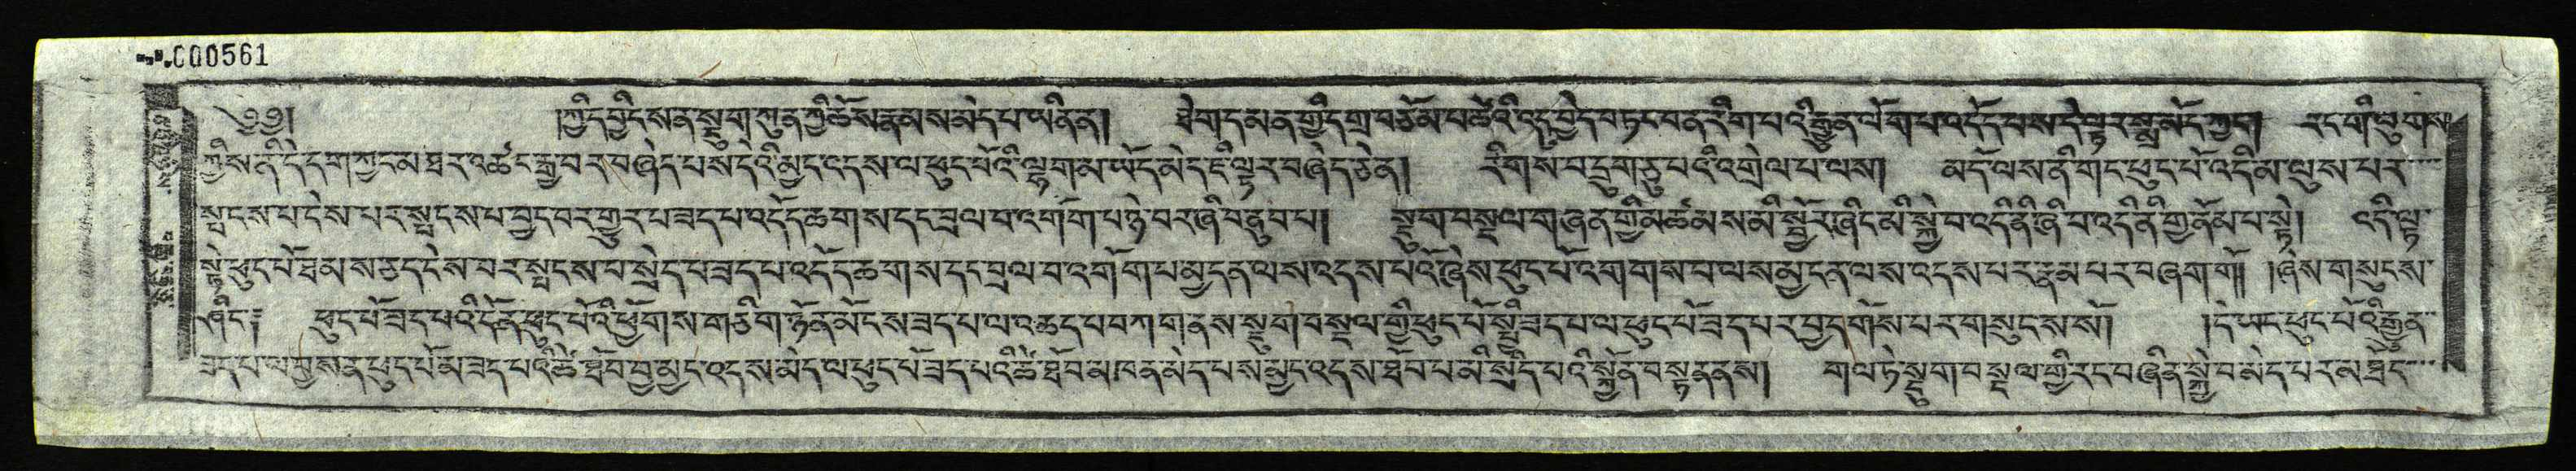༄༅། །ཀྱི་དབྱིངས་ན་སྡུག་ཀུན་ཀྱི་ཆོས་རྣམས་མེད་པ་ཡིན་ན། ཐེག་དམན་གྱི་དགྲ་བཅོམ་པ་ཚེའི་འདུ་བྱེད་བཏང་བ་ན་རིག་པའི་རྒྱུན་ལོག་པ་འདོད་པས་དེ་ལྟར་སྨྲ་མོད་ཀྱང་། རང་གི་ལུགས་
ཀྱིས་ནི་དེ་དག་ཀྱང་མཐར་འཚང་རྒྱ་བར་བཞེད་པས་དེའི་མྱང་འདས་ལ་ཕུང་པོའི་ལྷག་མ་ཡོད་མེད་ཇི་ལྟར་བཞེད་ཅེ་ན། རིགས་པ་དྲུག་ཅུ་པའི་འགྲེལ་པ་ལས། མདོ་ལས་ནི་གང་ཕུང་པོ་འདི་མ་ལུས་པར་
སྤངས་པ་ངེས་པར་སྤངས་པ་བྱད་པར་གྱུར་པ་ཟད་པ་འདོད་ཆགས་དང་བྲལ་བ་འགོག་པ་ཉེ་བར་ཞི་བ་ནུབ་པ། སྡུག་བསྔལ་གཞན་གྱི་མཚམས་མི་སྦྱོར་ཞིང་མི་སྐྱེ་བ་འདི་ནི་ཞི་བ་འདི་ནི་གྱ་ནོམ་པ་སྟེ། འདི་ལྟ་
སྟེ་ཕུང་པོ་ཐམས་ཅད་ངེས་པར་སྤངས་པ་སྲེད་པ་ཟད་པ་འདོད་ཆགས་དང་བྲལ་བ་འགོག་པ་མྱ་ངན་ལས་འདས་པའོ་ཞེས་ཕུང་པོ་འགགས་པ་ལས་མྱ་ངན་ལས་འདས་པར་རྣམ་པར་བཞག་གོ། །ཞེས་གསུངས་
ཤིང༑ ཕུང་པོ་ཟད་པའི་དོན་ཕུང་པོའི་ཕྱོགས་གཅིག་ཉོན་མོངས་ཟད་པ་ལ་འཆད་པ་བཀག་ནས་སྡུག་བསྔལ་གྱི་ཕུང་པོ་སྤྱི་ཟད་པ་ལ་ཕུང་པོ་ཟད་པར་བྱ་དགོས་པར་གསུངས་སོ། །དེ་ཡང་ཕུང་པོའི་རྒྱུན་
ཟད་པ་ལ་བྱས་ན་ཕུང་པོ་མ་ཟད་པའི་ཚེ་ཐོབ་བྱ་མྱང་འདས་མེད་ལ་ཕུང་པོ་ཟད་པའི་ཚེ་ཐོབ་མཁན་མེད་པས་མྱང་འདས་ཐོབ་པ་མི་སྲིད་པའི་སྐྱོན་བསྟན་ནས། གལ་ཏེ་སྡུག་བསྔལ་གྱི་རང་བཞིན་སྐྱེ་བ་མེད་པར་མཐོང་